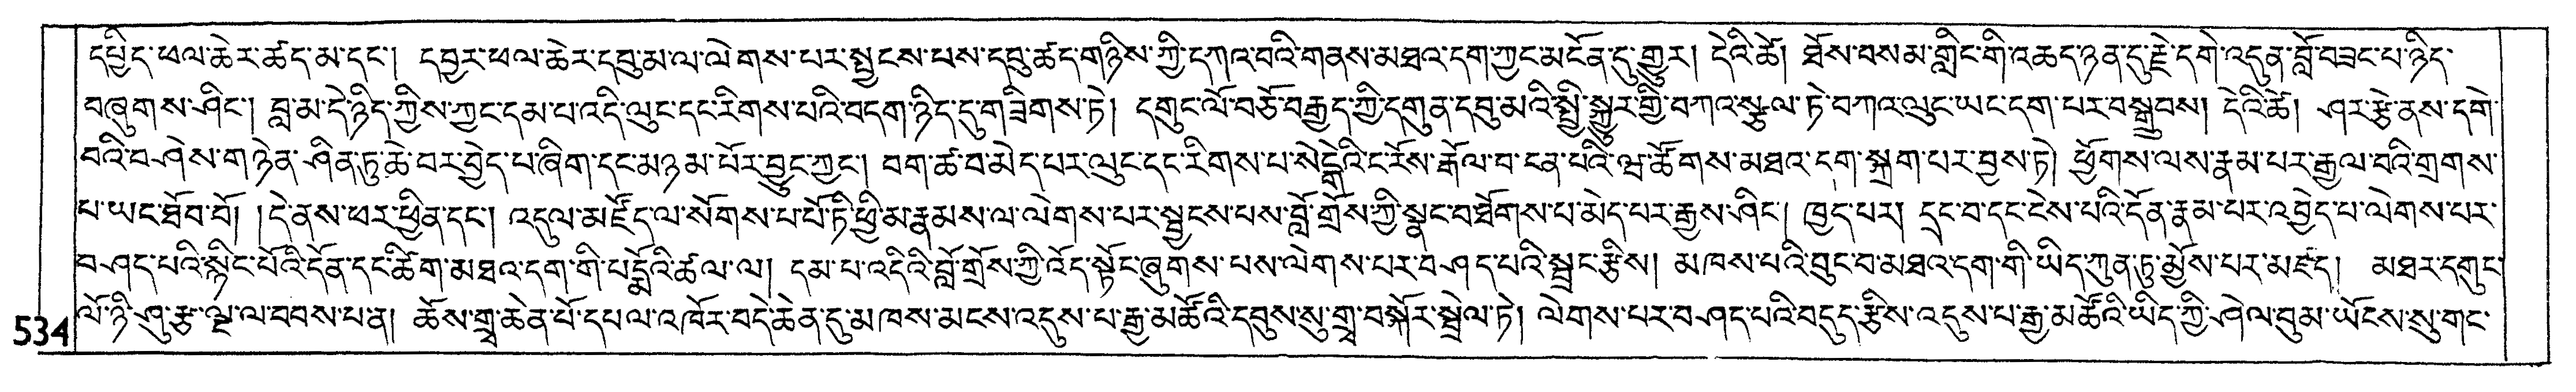དཔྱིད་ཕལ་ཆེར་ཚད་མ་དང་། དབྱར་ཕལ་ཆེར་དབུ་མ་ལ་ལེགས་པར་སྤྱངས་པས་དབུ་ཚད་གཉིས་ཀྱི་དཀའ་བའི་གནས་མཐའ་དག་ཀྱང་མངོན་དུ་གྱུར། དེའི་ཚེ། ཐོས་བསམ་གླིང་གི་འཆད་ཉན་དུ་རྗེ་དགེ་འདུན་བློ་བཟང་པ་ཉིད་
བཞུགས་ཤིང་། བླ་མ་དེ་ཉིད་ཀྱིས་ཀྱང་དམ་པ་འདི་ལུང་དང་རིགས་པའི་བདག་ཉིད་དུ་གཟིགས་ཏེ། དགུང་ལོ་བཅོ་བརྒྱད་ཀྱི་དགུན་དབུ་མའི་སྤྱི་སྐྱུར་གྱི་བཀའ་སྩལ་ཏེ་བཀའ་ལུང་ཡང་དག་པར་བསྒྲུབས། དེའི་ཚེ། ཤར་རྩེ་ནས་དགེ་
བའི་བཤེས་གཉེན་ཤིན་ཏུ་ཆེ་བར་བྱེད་པ་ཞིག་དང་མཉམ་པོར་བྱུང་ཀྱང་། བག་ཚ་བ་མེད་པར་ལུང་དང་རིགས་པ་སེངྒེའི་ང་རོས་རྒོལ་བ་ངན་པའི་ཝ་ཚོགས་མཐའ་དག་སྐྲག་པར་བྱས་ཏེ། ཕྱོགས་ལས་རྣམ་པར་རྒྱལ་བའི་གྲགས་
པ་ཡང་ཐོབ་བོ། །དེ་ནས་ཕར་ཕྱིན་དང་། འདུལ་མཛོད་ལ་སོགས་པ་པོ་ཏི་ཕྱི་མ་རྣམས་ལ་ལེགས་པར་སྦྱངས་པས་བློ་གྲོས་ཀྱི་སྣང་བ་ཐོགས་པ་མེད་པར་རྒྱས་ཤིང་། ཁྱད་པར། དྲང་བ་དང་ངེས་པའི་དོན་རྣམ་པར་འབྱེད་པ་ལེགས་པར་
བཤད་པའི་སྙིང་པོའི་དོན་དང་ཚིག་མཐའ་དག་གི་པདམོའི་ཚལ་ལ། དམ་པ་འདིའི་བློ་གྲོས་ཀྱི་འོད་སྟོང་ཞུགས་པས་ལེགས་པར་བཤད་པའི་སྦྲང་རྩིས། མཁས་པའི་བུང་བ་མཐའ་དག་གི་ཡིད་ཀུན་ཏུ་མྱོས་པར་མཛད། མཐར་དགུང་
ལོ་ཉི་ཤུ་རྩ་ལྔ་ལ་བབས་པ་ན། ཆོས་གྲྭ་ཆེན་པོ་དཔལ་འཁོར་བདེ་ཆེན་དུ་མཁས་མངས་འདུས་པ་རྒྱ་མཚོའི་དབུས་སུ་གྲྭ་བསྐོར་སྦྲེལ་ཏེ། ལེགས་པར་བཤད་པའི་བདུད་རྩིས་འདུས་པ་རྒྱ་མཚོའི་ཡིད་ཀྱི་ཤེལ་བུམ་ཡོངས་སུ་གང་